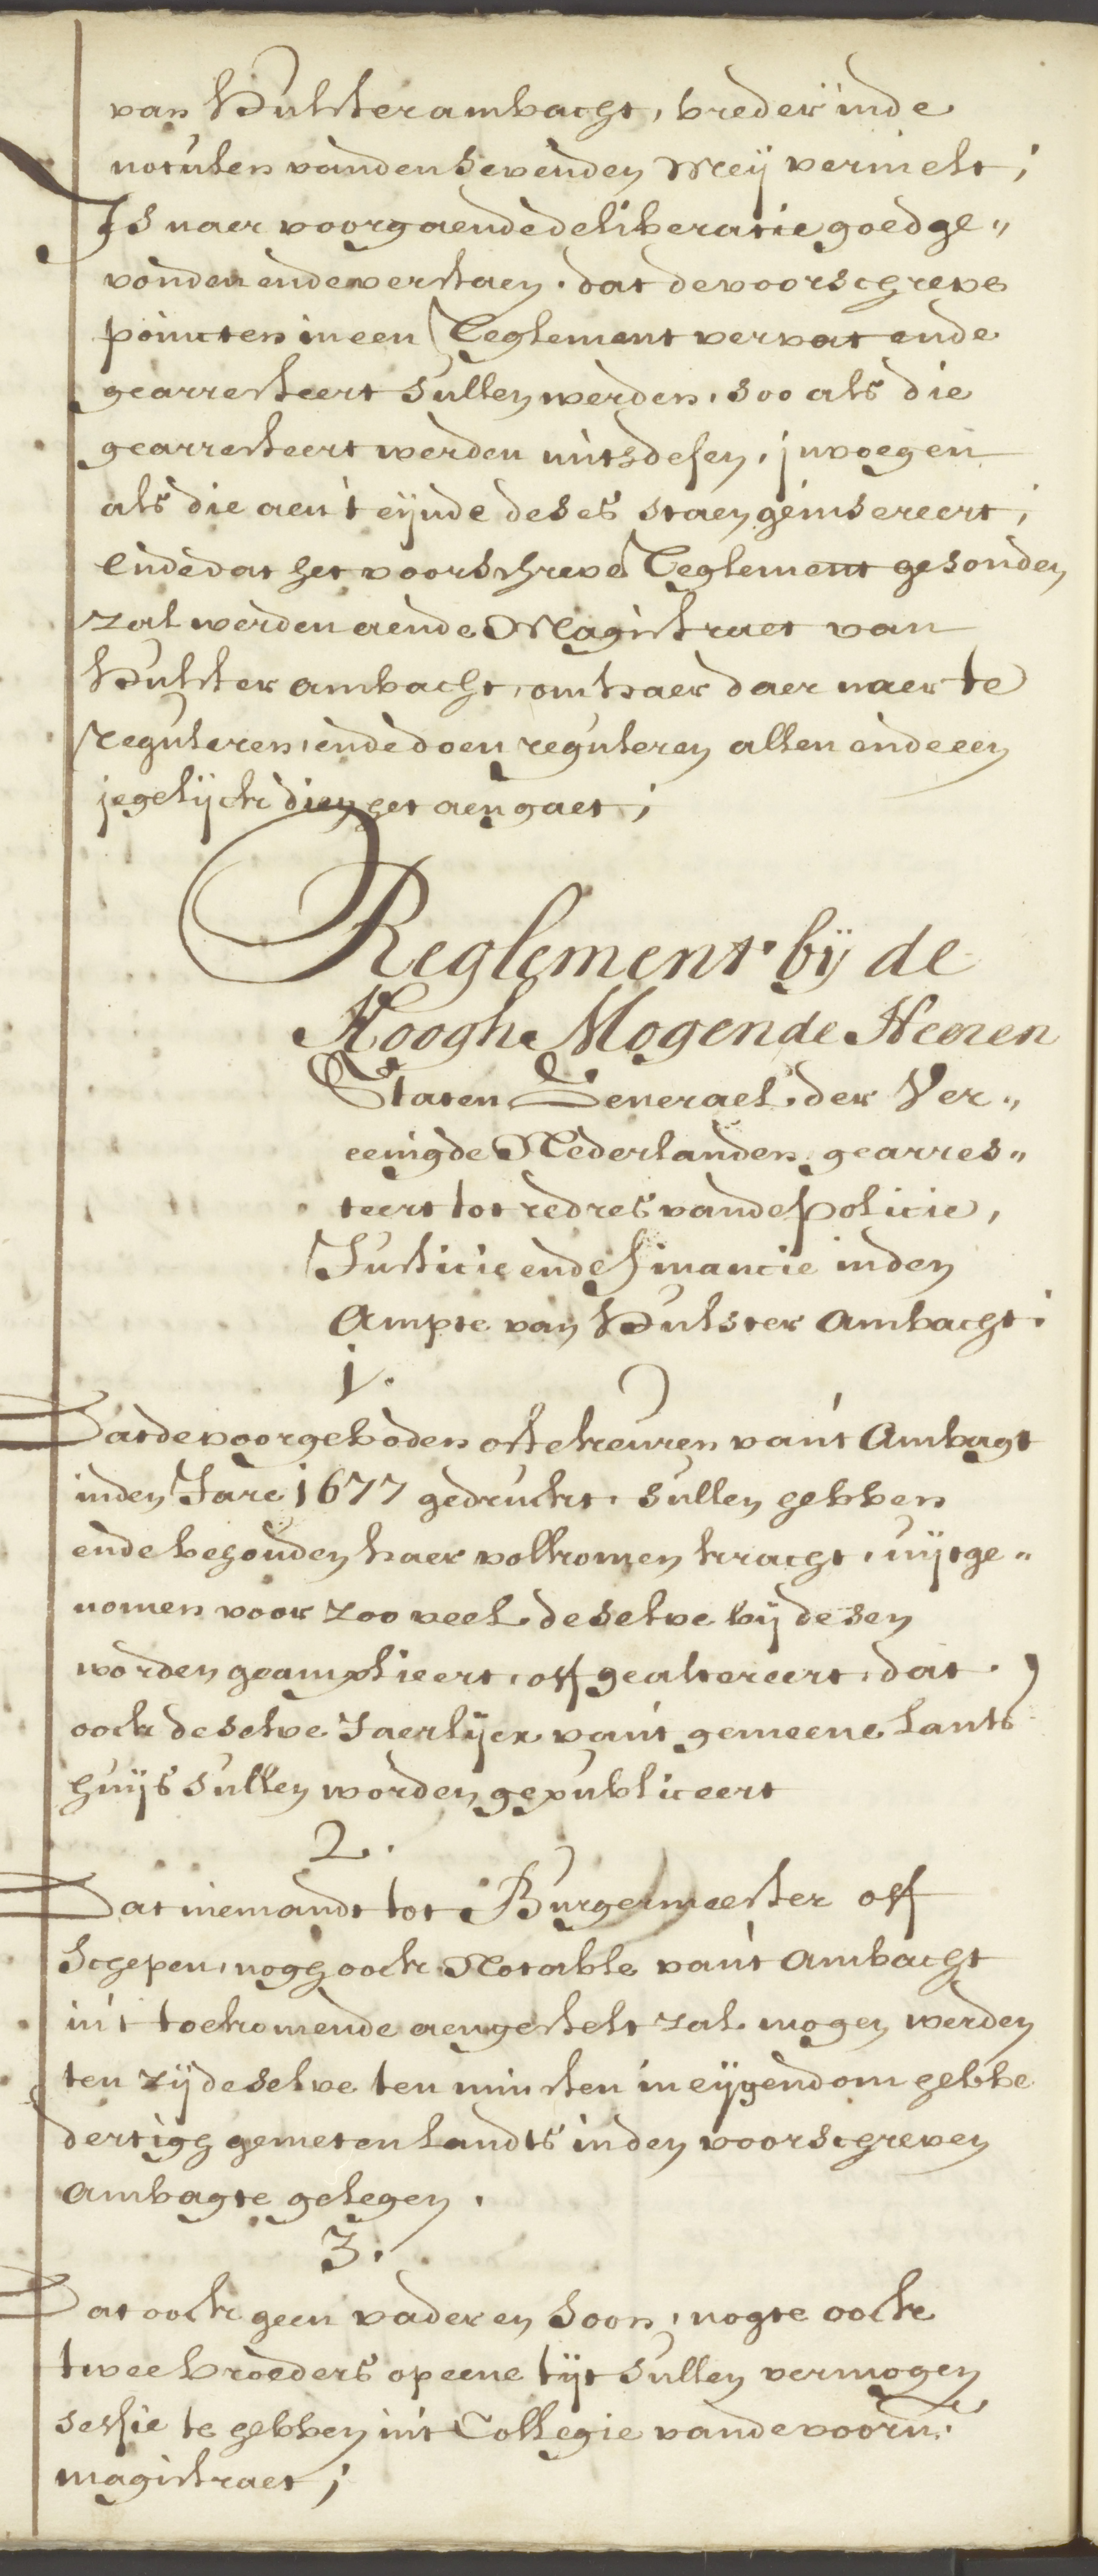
van Hulsterambacht, breder inde
notulen vanden sevenden Meij vermelt;
Is naer voorgaende deliberatie goedge„
vonden ende verstaen dat de voorschreve
poincten in een Reglement vervat ende
gearresteert sullen werden, soo als die
gearresteert werden mitsdesen, invoegen
als die aen ‛t eijnde deses staen geinsereert;
ende dat het voorschreve Reglement gesonden
zal werden aende Magistaet van
Hulster ambacht, om haer daer naer te
reguleren, ende doen reguleren allen ende een
iegelijck dien het aengaet.
Reglement bij de
Hoogh Mogende Heeren
Staten Generael der Ver„
eenigde Nederlanden gearres„
teert tot redres vande Policie,
Justicie ende Financie inden
Ampte van Hulser Ambacht.
1.
Dat de voorgeboden offe keuren van‛t Ambagt
inden Jare 1677 gedruckt, sullen hebben
ende behouden haer volkomen kracht uijtge„
nomen voor zoo veel deselve bij desen
worden geamplieert, off gealtereert, dat
oock deselve Jaerlijcx van‛t gemeene Lants
huijs sullen worden gepubliceert
2.
Dat niemandt tot Burgermeester off
Schepen, nogh oock Notable van‛t Ambacht
in‛t toekomende aengestelt zal mogen werden
ten zij deselve ten minsten in eijgendom hebbe
dertigh gemeten Landts inden voorschreven
Ambagte gelegen.
3.
Dat oock geen vader en Soon, nogte oock
twee broeders opeene tijt sullen vermogen
sessie te hebben in‛t Collegie vande voorn
magistraet:
